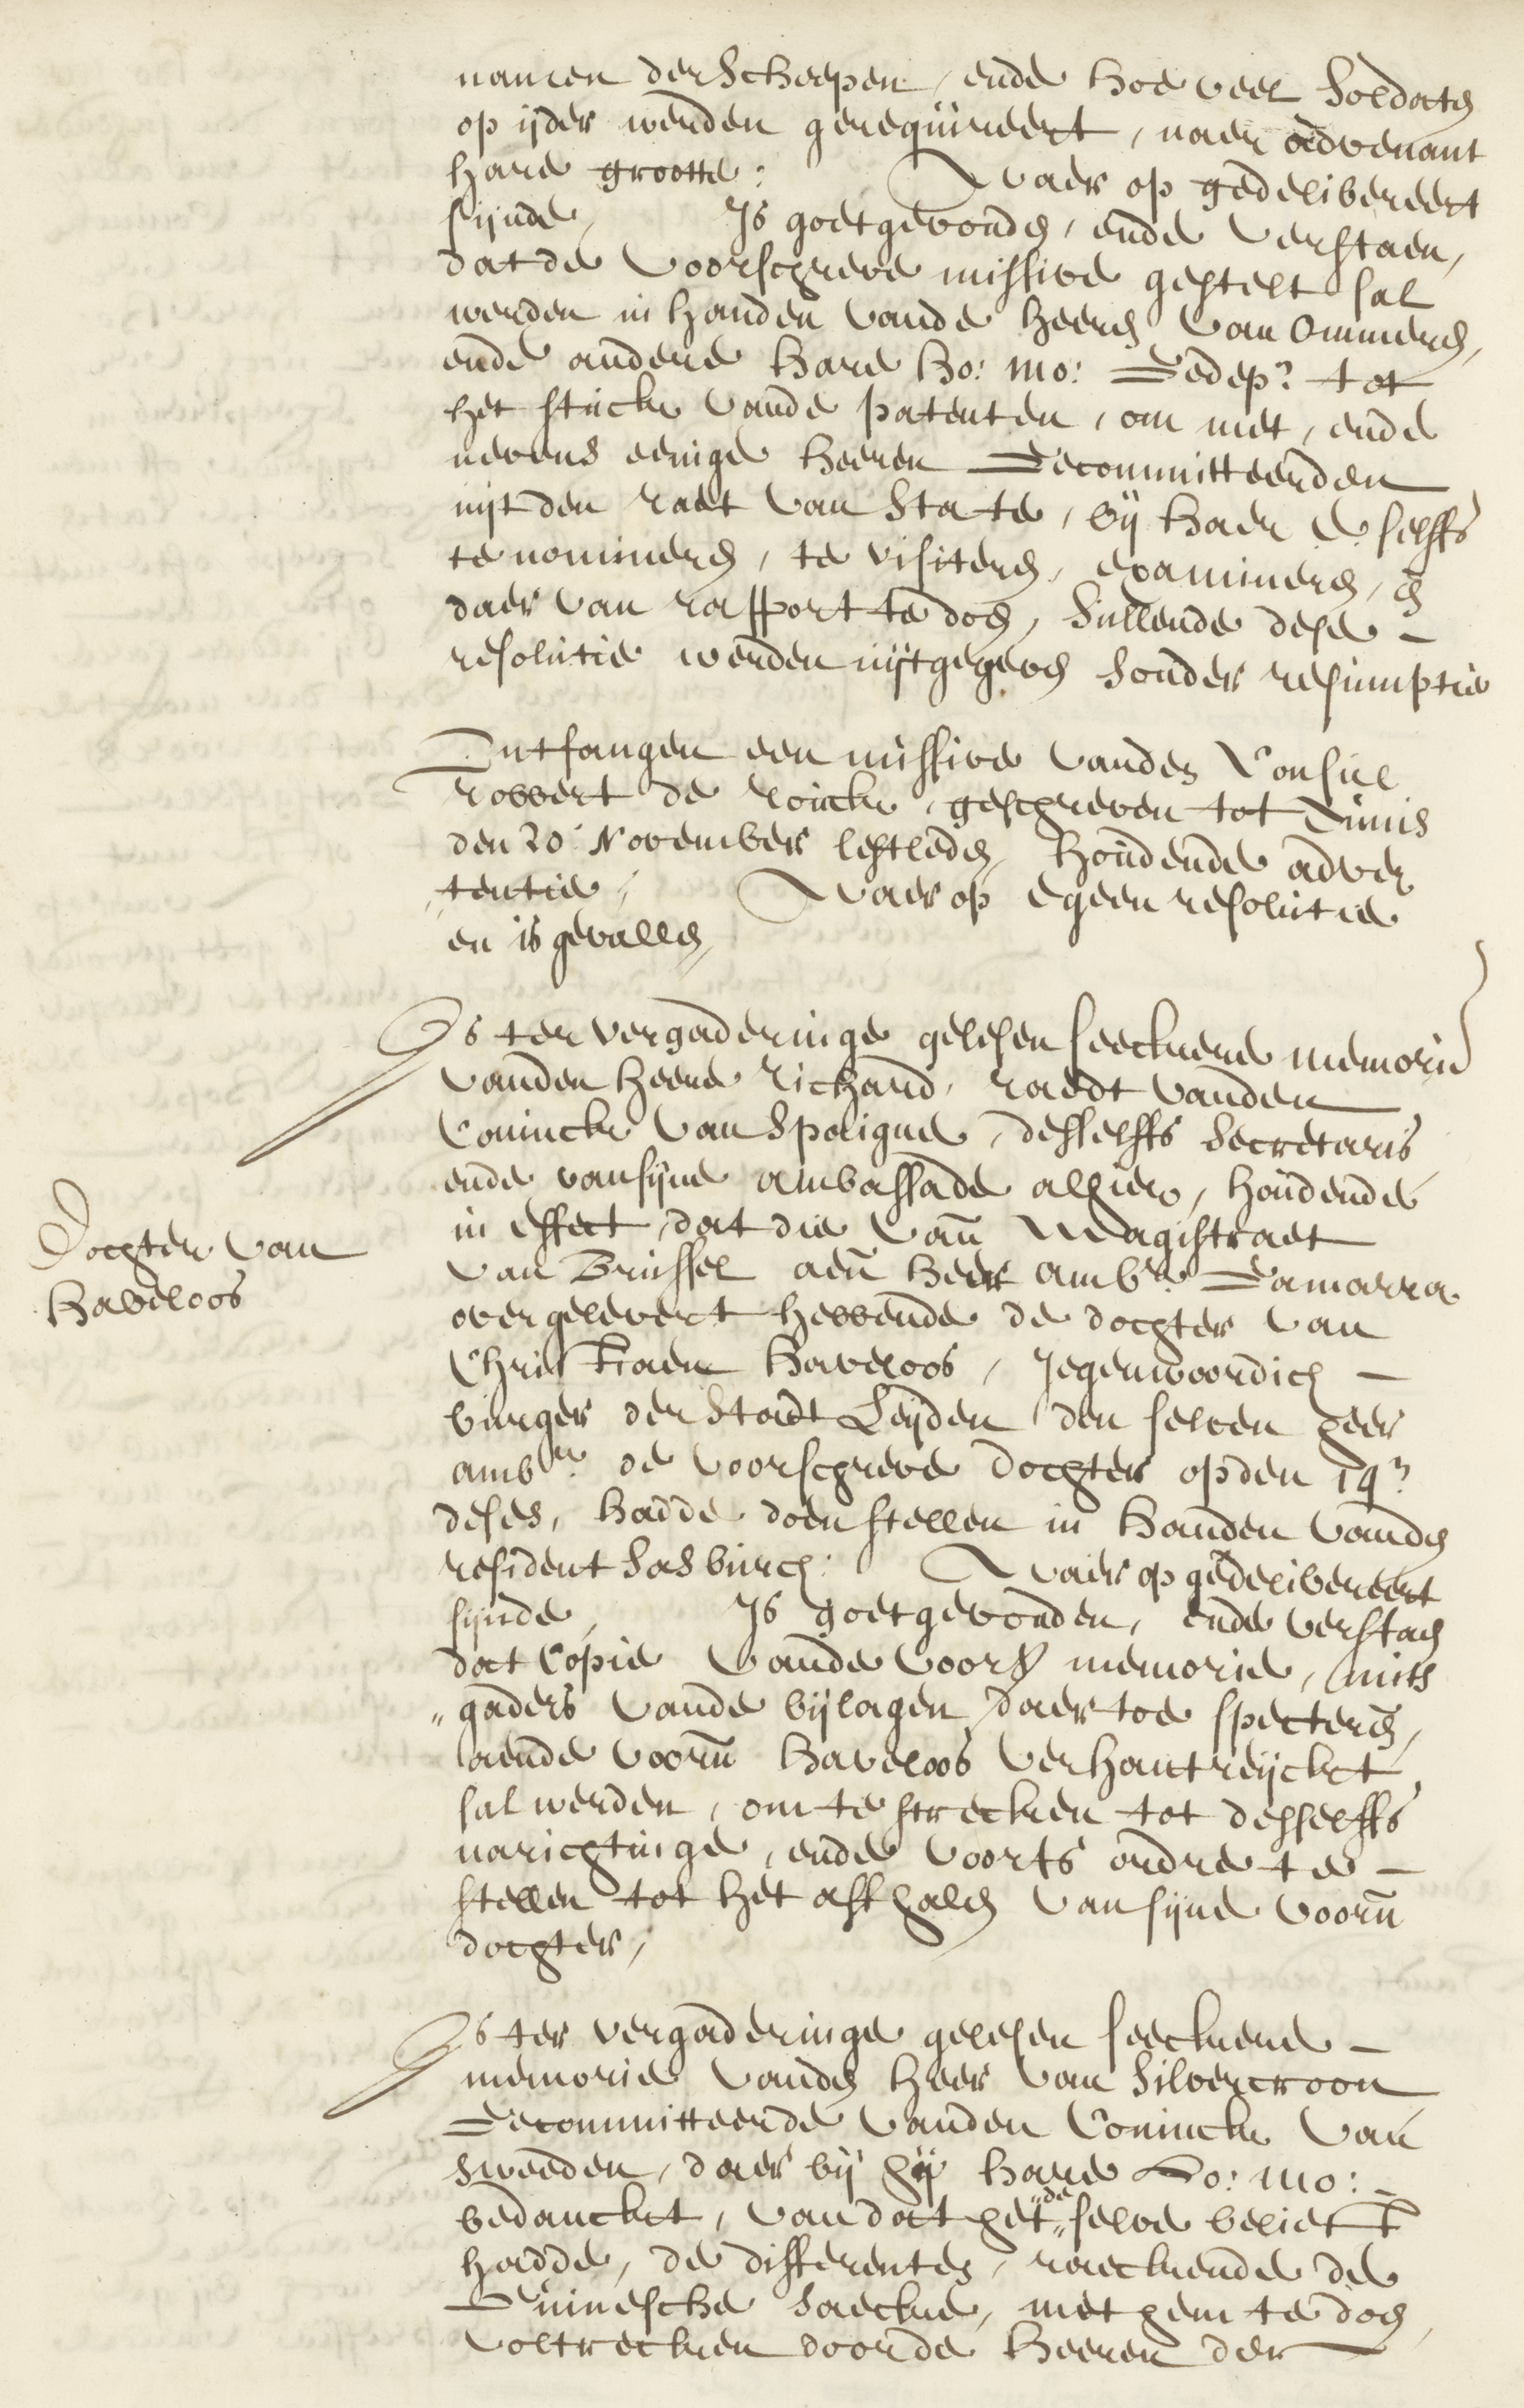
namen der Scheepen, ende hoe veel Soldaten
op ijder werden gerequireert, naer advenant
hare grootte: Waer op gedelibereert
sijnde, Is goetgevonden, ende verstaen,
dat de voorschreve missive gestelt sal
werden in handen vande heeren van Ommeren,
ende andere hare Ho:Mo: Gedepen. tot
het stuck vande patenten, om met, ende
nevens eenige heeren Gecommitteerden
uijt den Raet van State, bij haer E. selffs
te nomineren, te visiteren, examineren, en
daer van rapport te doen, Sullende dese -
resolutie werden uijtgegeven sonder resumptie.
Ontfangen een missive vanden Consul
Robbert de Rouck, geschreven tot Tunis
den 20’. November lestleden, houdende adver
„tentie: Waer op egeen resolutie
en is gevallen.
Dochter van
Haveloos
Is ter Vergaderinge gelesen seeckere memorie
vanden heere Richard, raedt vanden
Coninck van Spaigne, desselffs Secretaris
ende van sijne Ambassade alhier, houdende
in effect, dat die van Magistraet
van Brussel aen heer Ambr. Gamarra
overgelevert hebbende de dochter van
Christiaen Haveloos, Jegenwoordich -
burger der stadt Leijden den selven heer
ambr. de voorschreve dochter opden 14n.
deses, hadde doen stellen in handen vanden
resident Sasburch: Waer op gedelibereert
sijnde, Is goetgevonden, ende verstaen
dat Copie vande voors memorie, mits
„gaders vande bijlagen daer toe specteren
aende voorn. Haveloos verhantreijckt
sal werden, om te strecken tot desselffs
narichtinge, ende voorts ordre te
stellen tot het affhalen van sijne voorn
dochter.
Is ter Vergaderinge gelesen seeckene
memorie vanden heer van Silvercroon
Gecommitteerde vanden Coninck van
sweeden, daer bij hij haer Ho:Mo:
bedanckt, van dat het de selve belieft
hadde, de differenten, raeckende de
Guinesche saecke, met hem te doen
voltrecken door de heeren der
